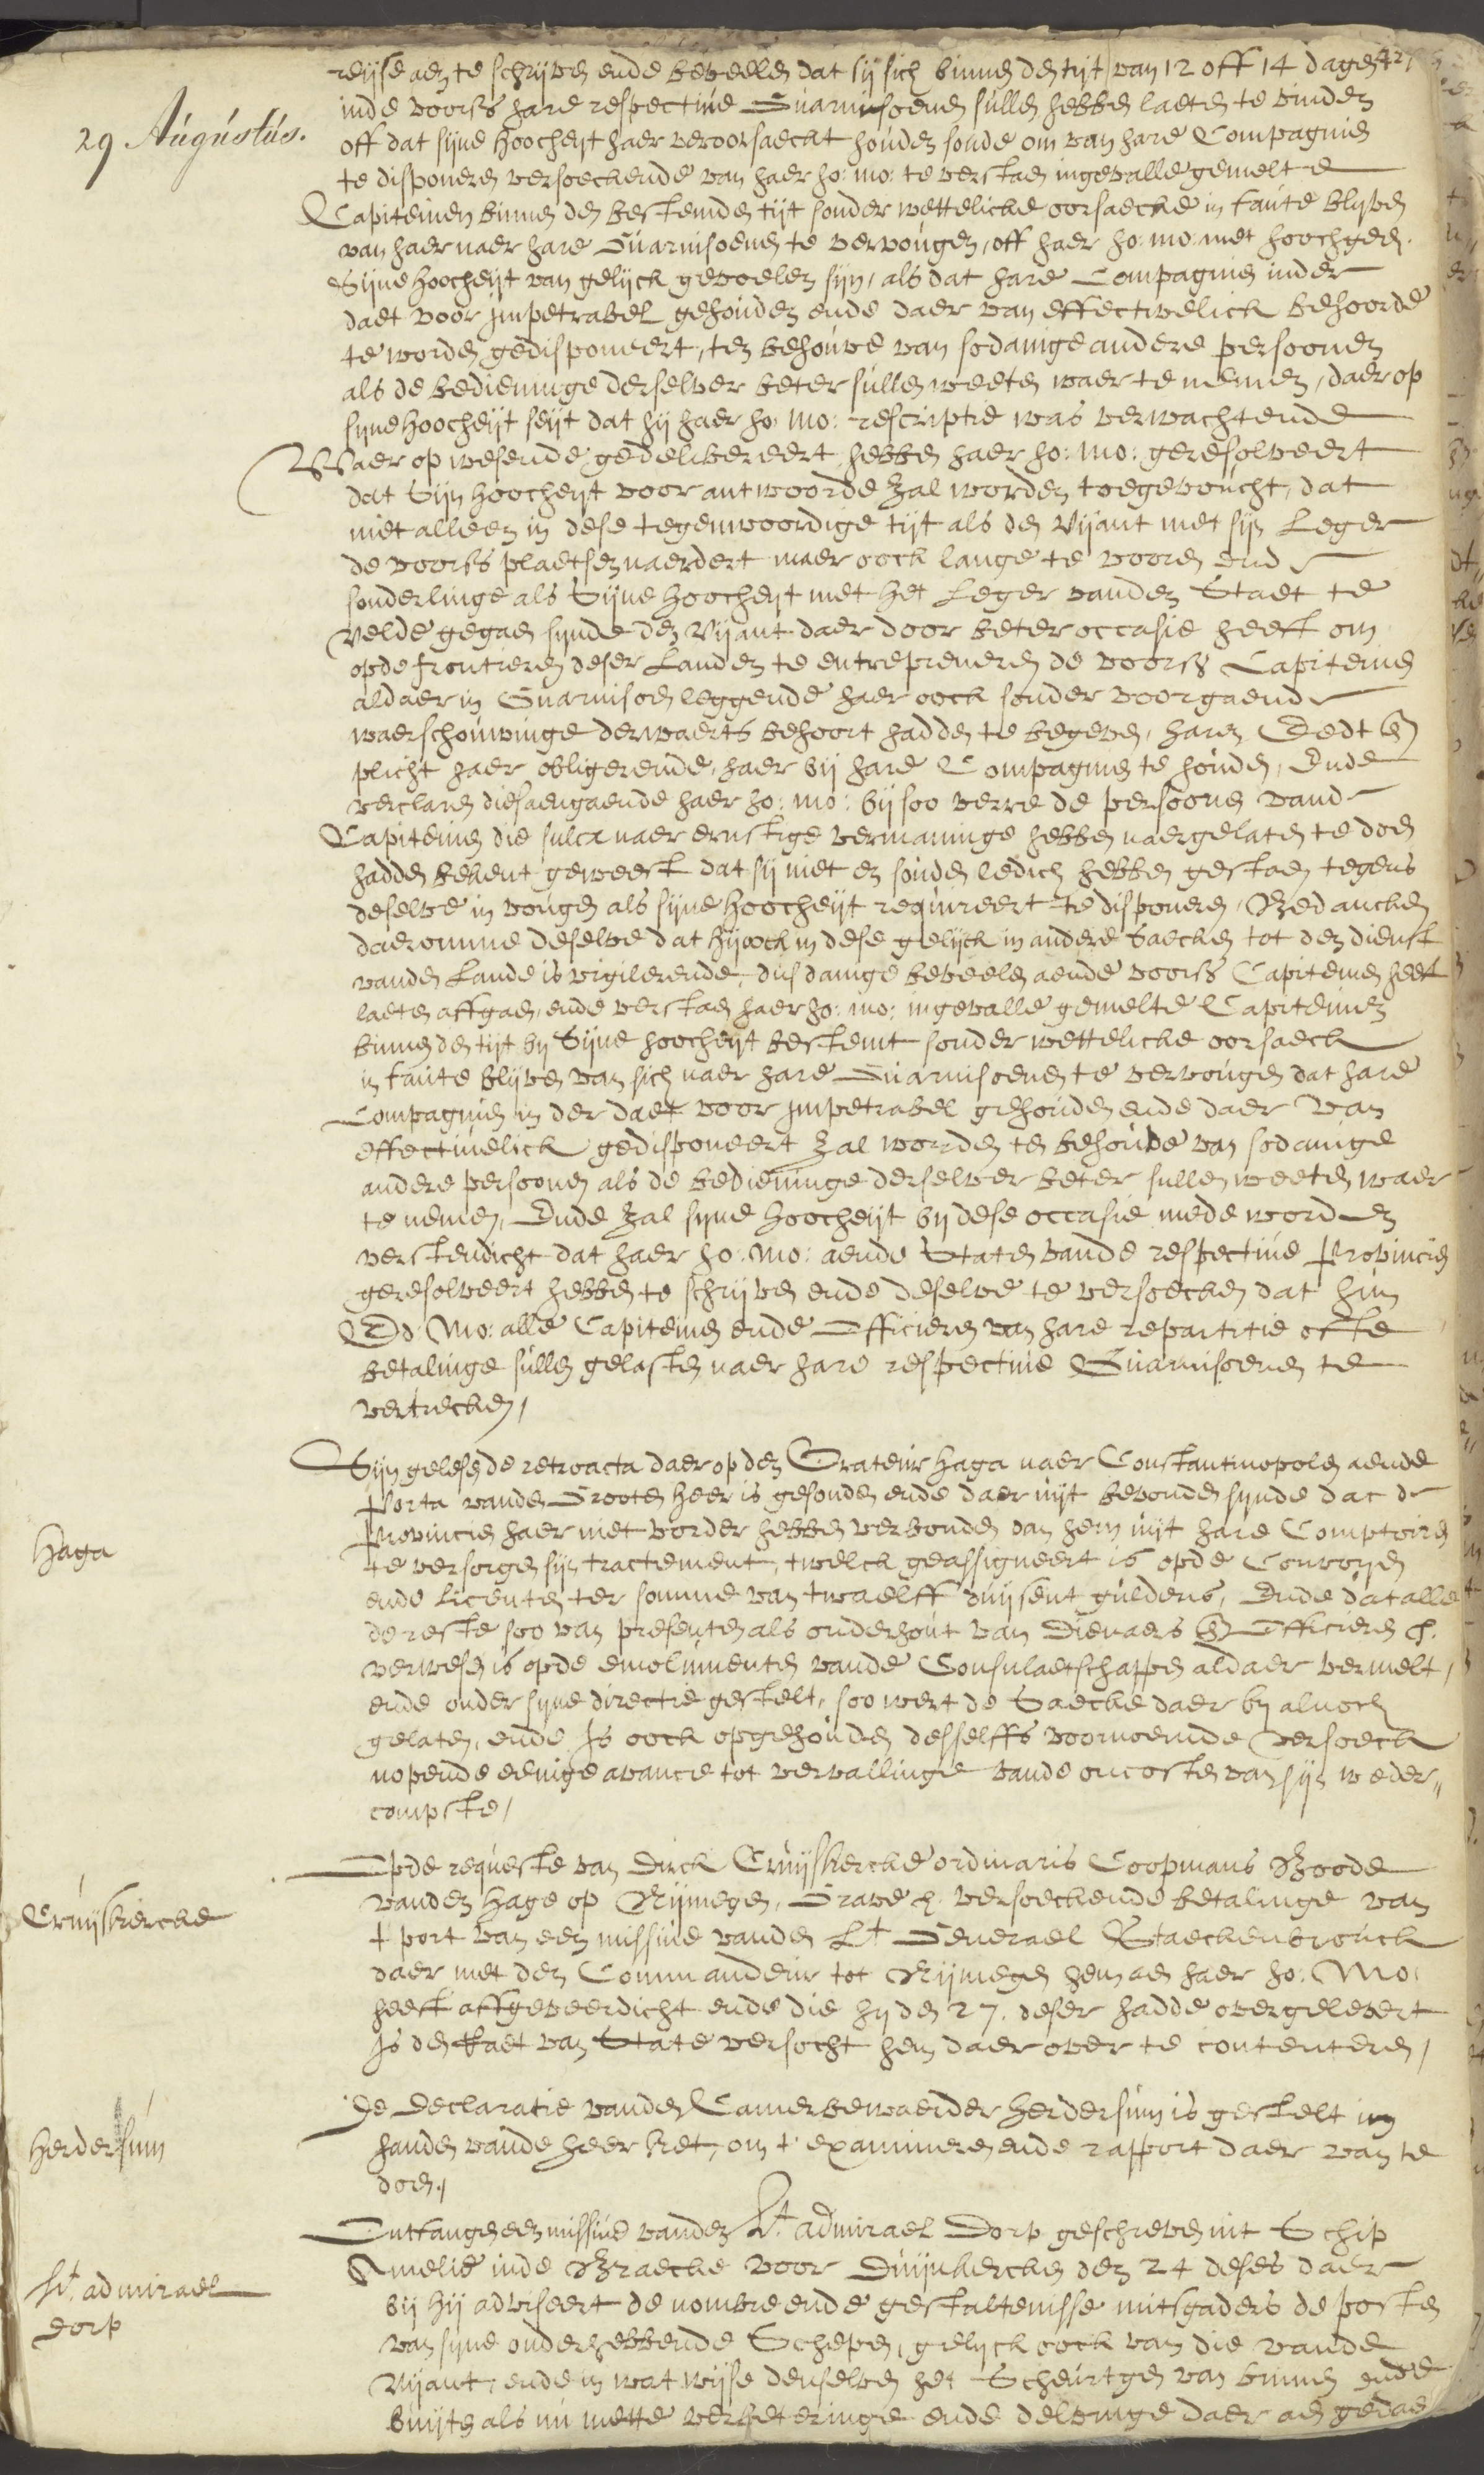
427
29 Augustus.
reijse aen te schrijven ende beveelen dat sij sich binnen den tijt van 12 off 14 dagen
inde voors hare respectiue Guarnisoenen sullen hebben laeten te vinden
off dat sijne Hoocheyt haer veroorsaeckt houden soude om van hare Compagnien
te disponeren versoeckende van haer ho:mo: te verstaen ingevalle gemelte
Capiteinen binnen den bestemden tijt sonder wettelicke oorsaecke in faute blyven
van haer naer hare Guarnisoenen te vervougen, off haer ho:mo: met hoochgee.
Sijne hoocheijt van gelijck gevoelen sijn, als dat hare Compagnien inder
daet voor Impetrabel gehouden ende daer van effectivelick behoorde
te worden gedisponeert, ten behouve van sodanige andere persoonen
als de bedieninge derselver beter sullen weeten waer te nemen, daer op
syne hoocheijt seijt dat hij haer ho:mo: rescriptie was verwachtende
Waer op wesende gedelibereert, hebben haer ho:mo: geresolveert
dat Sijn hoocheyt voor antwoorde zal worden toegevoucht, dat
niet alleen in dese tegenwoordige tijt als den Vijant met sijn leger
de voors plaetsen naerdert maer oock lange te vooren ende
sonderlinge als Sijne hoocheyt met het Leger vanden Staet te
velde gegaen synde den Vijant daer door beter occasie heeft om
opde frontieren deser Landen te entrepreneren de voors Capiteinen
aldaer in Guarnisoen leggende haer oock sonder voorgaende
waerschouwinge derwaerts behoort hadden te begeven, haren Eedt &
plicht haer obligerende, haer bij hare Compagnien te houden. Ende
verclaren diesaengaende haer ho:mo: bij soo verre de persoonen vande
Capiteinen die sulcx naer ernstige vermaninge hebben naergelaten te doen
hadden bekent geweest dat sij niet en souden ledich hebben gestaen tegens
deselve in vougen als sijne hoocheijt requireert te disponeren. Bedancken
daeromme deselve dat hij oock in dese gelijck in andere Saecken tot den dienst
vanden Lande is vigilerende, dusdanige beveelen aende voors Capiteinen heeft
laeten affgaen ende verstaen haer ho:mo: ingevalle gemelte Capiteinen
binnen den tijt by Sijne hoocheyt bestemt sonder wettelicke oorsaeck
in faute blijven van sich naer hare Guarnisoenen te vervougen dat hare
Compagnien in der daet voor impetrabel gehouden ende daer van
effectiuelick gedisponeert zal worden ten behoude van sodanige
andere persoonen als de bedieninge derselver beter sullen weeten waer
te nemen. Ende zal syne hoocheijt by dese occasie mede worden
verstendicht dat haer ho:mo: aende Staten vande respectiue Provincien
geresolveert hebben te schrijven ende deselve te versoecken dat hun
Ed:Mo: alle Capiteinen ende Officieren van hare reparititie ofte
betalinge sullen gelasten naer hare respectiue Guarnisoenen te
vertrecken.
Haga
Sijn gelesen de retroacta daer op den Orateur Haga naer Constantinopolen aende
Porta vanden Grooten heer is gesonden ende daer uijt bevonden synde dat de
Provincien haer niet vorder hebben verbonden dan hem uijt hare Comptoiren
te versorgen sijn tractement, twelck geassigneert is opde Convoyen
ende licenten ter somme van twaelff duijsent guldens, Ende dat alle
de reste soo van presenten als onderhout van Dienaers & Officieren @.
verwesen is opde emolumenten vande Consulaetschappen aldaer vermelt,
ende onder syne directie gestelt, soo wert de Saecke daer by alnoch
gelaten, ende Is oock opgehouden desselffs voornoemde versoeck
nopende eenige avance tot vervallinge vande oncosten van sijn weder,,
compste.
Cruijskercke
Opde requeste van Dirck Cruijskercke ordinaris Coopmans Boode
vanden Hage op Nijmegen, Grave @ versoeckende betalinge van
t'port van een missive vanden Lt. Generael Staeckenbrouck
daer met den Commandeur tot Nijmegen hem aen haer ho:Mo:
heeft affgeveerdicht ende die hy den 27. deser hadde overgelevert
Is den Raet van State versocht hem daer over te contenteren.
herdersum
De declaratie vanden Camerbewaerder Herdersum is gestelt in
handen vande heer ket, om t‛examineren ende rapport daer van te
doen.
Lt. admirael
dorp
Ontfangen een missive vanden Lt. Admirael Dorp geschreven int Schip
Amelie inde Braecke voor Duijnkercken den 24 deses daer
bij hij adviseert de nombre ende gestaltenisse mitsgaders de posten
van syne onderhebbende Schepen, gelyck oock van die vande
Vijant, ende in wat wijse denselven het Scheurtgen van binnen ende
buijten als nu mette verbeteringe ende delvinge daer aen gedae
